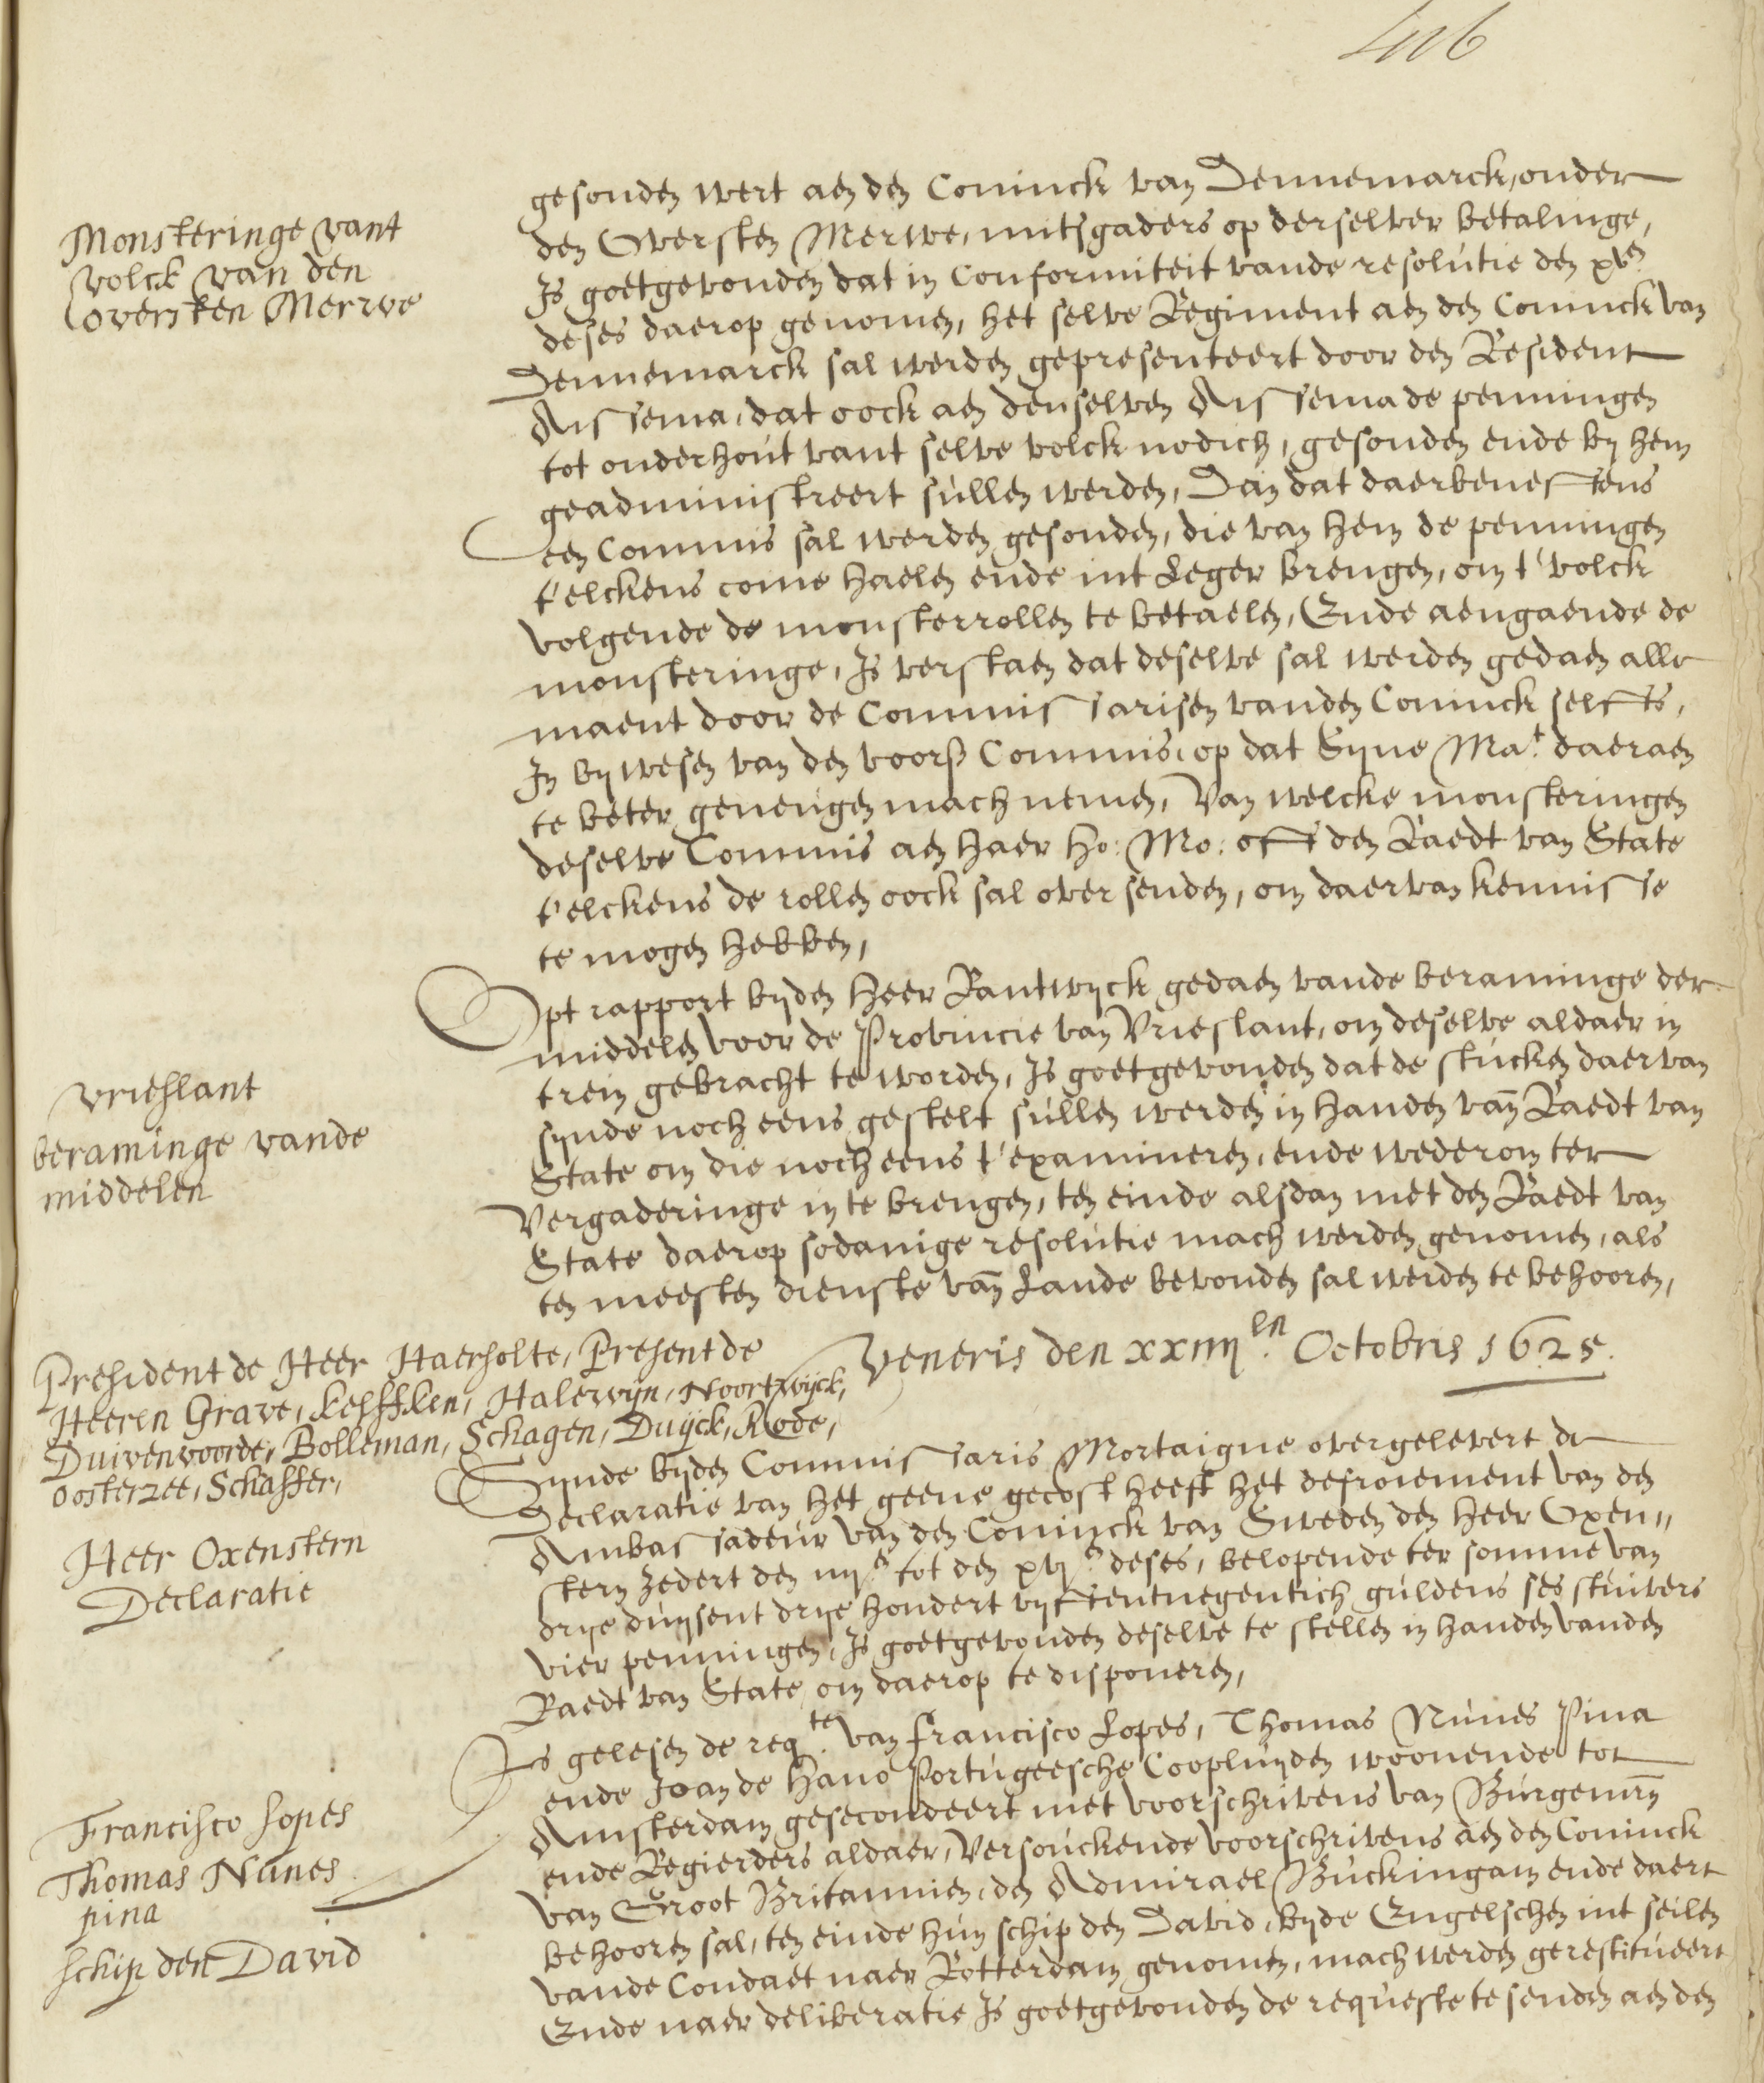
416
monsteringe vant
volck van den
oversten Merwe
gesonden wert aen den Coninck van Dennemarck, onder
den Oversten Merwe, mitsgaders op derselver betalinge,
Is goetgevonden dat in conformiteit vande resolutie den xven.
deses daerop genomen, het selve Regiment aen den Coninck van
Dennemarck sal werden gepresenteert door den Resident
Aissema, dat oock aen denselven Aissema de penningen
tot onderhout vant selve volck nodich, gesonden ende bij hem
geadministreert sullen werden, Dan dat daerbeneffens
een Commis sal werden gesonden, die van hem de penningen
t'elckens come haelen ende int Leger brengen, om t‛volck
volgende de monsterrollen te betaelen. Ende aengaende de
monsteringe, Is verstaen dat deselve sal werden gedaen alle
maent door de Commissarisen vanden Coninck selffs,
in by wesen van den voors Commis, op dat Syne Mat. daeraen
te beter geneugen mach nemen. Van welcke monsteringen
deselve Commis an haer ho:Mo: off den Raedt van State
t‛elckens de rollen oock sal oversenden, om daervan kennisse
te mogen hebben.
vrieslant
beraminge vande
middelen
Opt rapport by den heer Rantwyck gedaen vande beraminge der
middelen voor de Provincie van Vrieslant, om deselve aldaer in
trein gebracht te worden, Is goetgevonden dat de stucken daervan
synde noch eens gestelt sullen werden in handen van Raedt van
State om die noch eens t'examineren, ende wederom ter
Vergaderinge in te brengen, ten einde alsdan met den Raedt van
State daerop sodanige resolutie mach werden genomen, als
ten meesten dienste van Lande bevonden sal werden te behooren.
Veneris den xxiiijen. Octobris 1625.
President de Heer Haersolte, Present de
Heeren Grave, Kelffken, Halewijn, Noortwijck,
Duivenvoorde, Bolleman, Schagen, Duijck, Rode,
Oosterzee, Schaffer,
Heer Oxenstern
Declaratie
Synde byden Commissaris Mortaigne overgelevert de
declaratie van het geene gecost heeft het defroiement van den
Ambassadeur van den Coninck van Sweden den heer Oxen„
stern zedert den iiijen. tot den xvien. deses, belopende ter somme van
drye duysent drye hondert vyffentnegentich guldens ses stuivers
vier penningen. Is goetgevonden deselve te stellen in handen vanden
Raedt van State om daerop te disponeren,
Francisco Lopes
Thomas Nunes
pina
schip den David
Is gelesen de reqte. van francisco Lopes, Thomas Nunes Pina
ende Joan de Hano Portugeesche Coopluyden woonende tot
Amsterdam gesecondeert met voorschrivens van Burgemrn
ende Regierders aldaer, Versouckende voorschrivens aen den Coninck
van Groot Britannien, den Admirael Buckingam ende daert
behooren sal, ten einde hun schip den David, byde Engelschen int seilen
vande Condaet naer Rotterdam genomen, mach werden gerestitueert
Ende naer deliberatie Is goetgevonden de requeste te senden aen den
